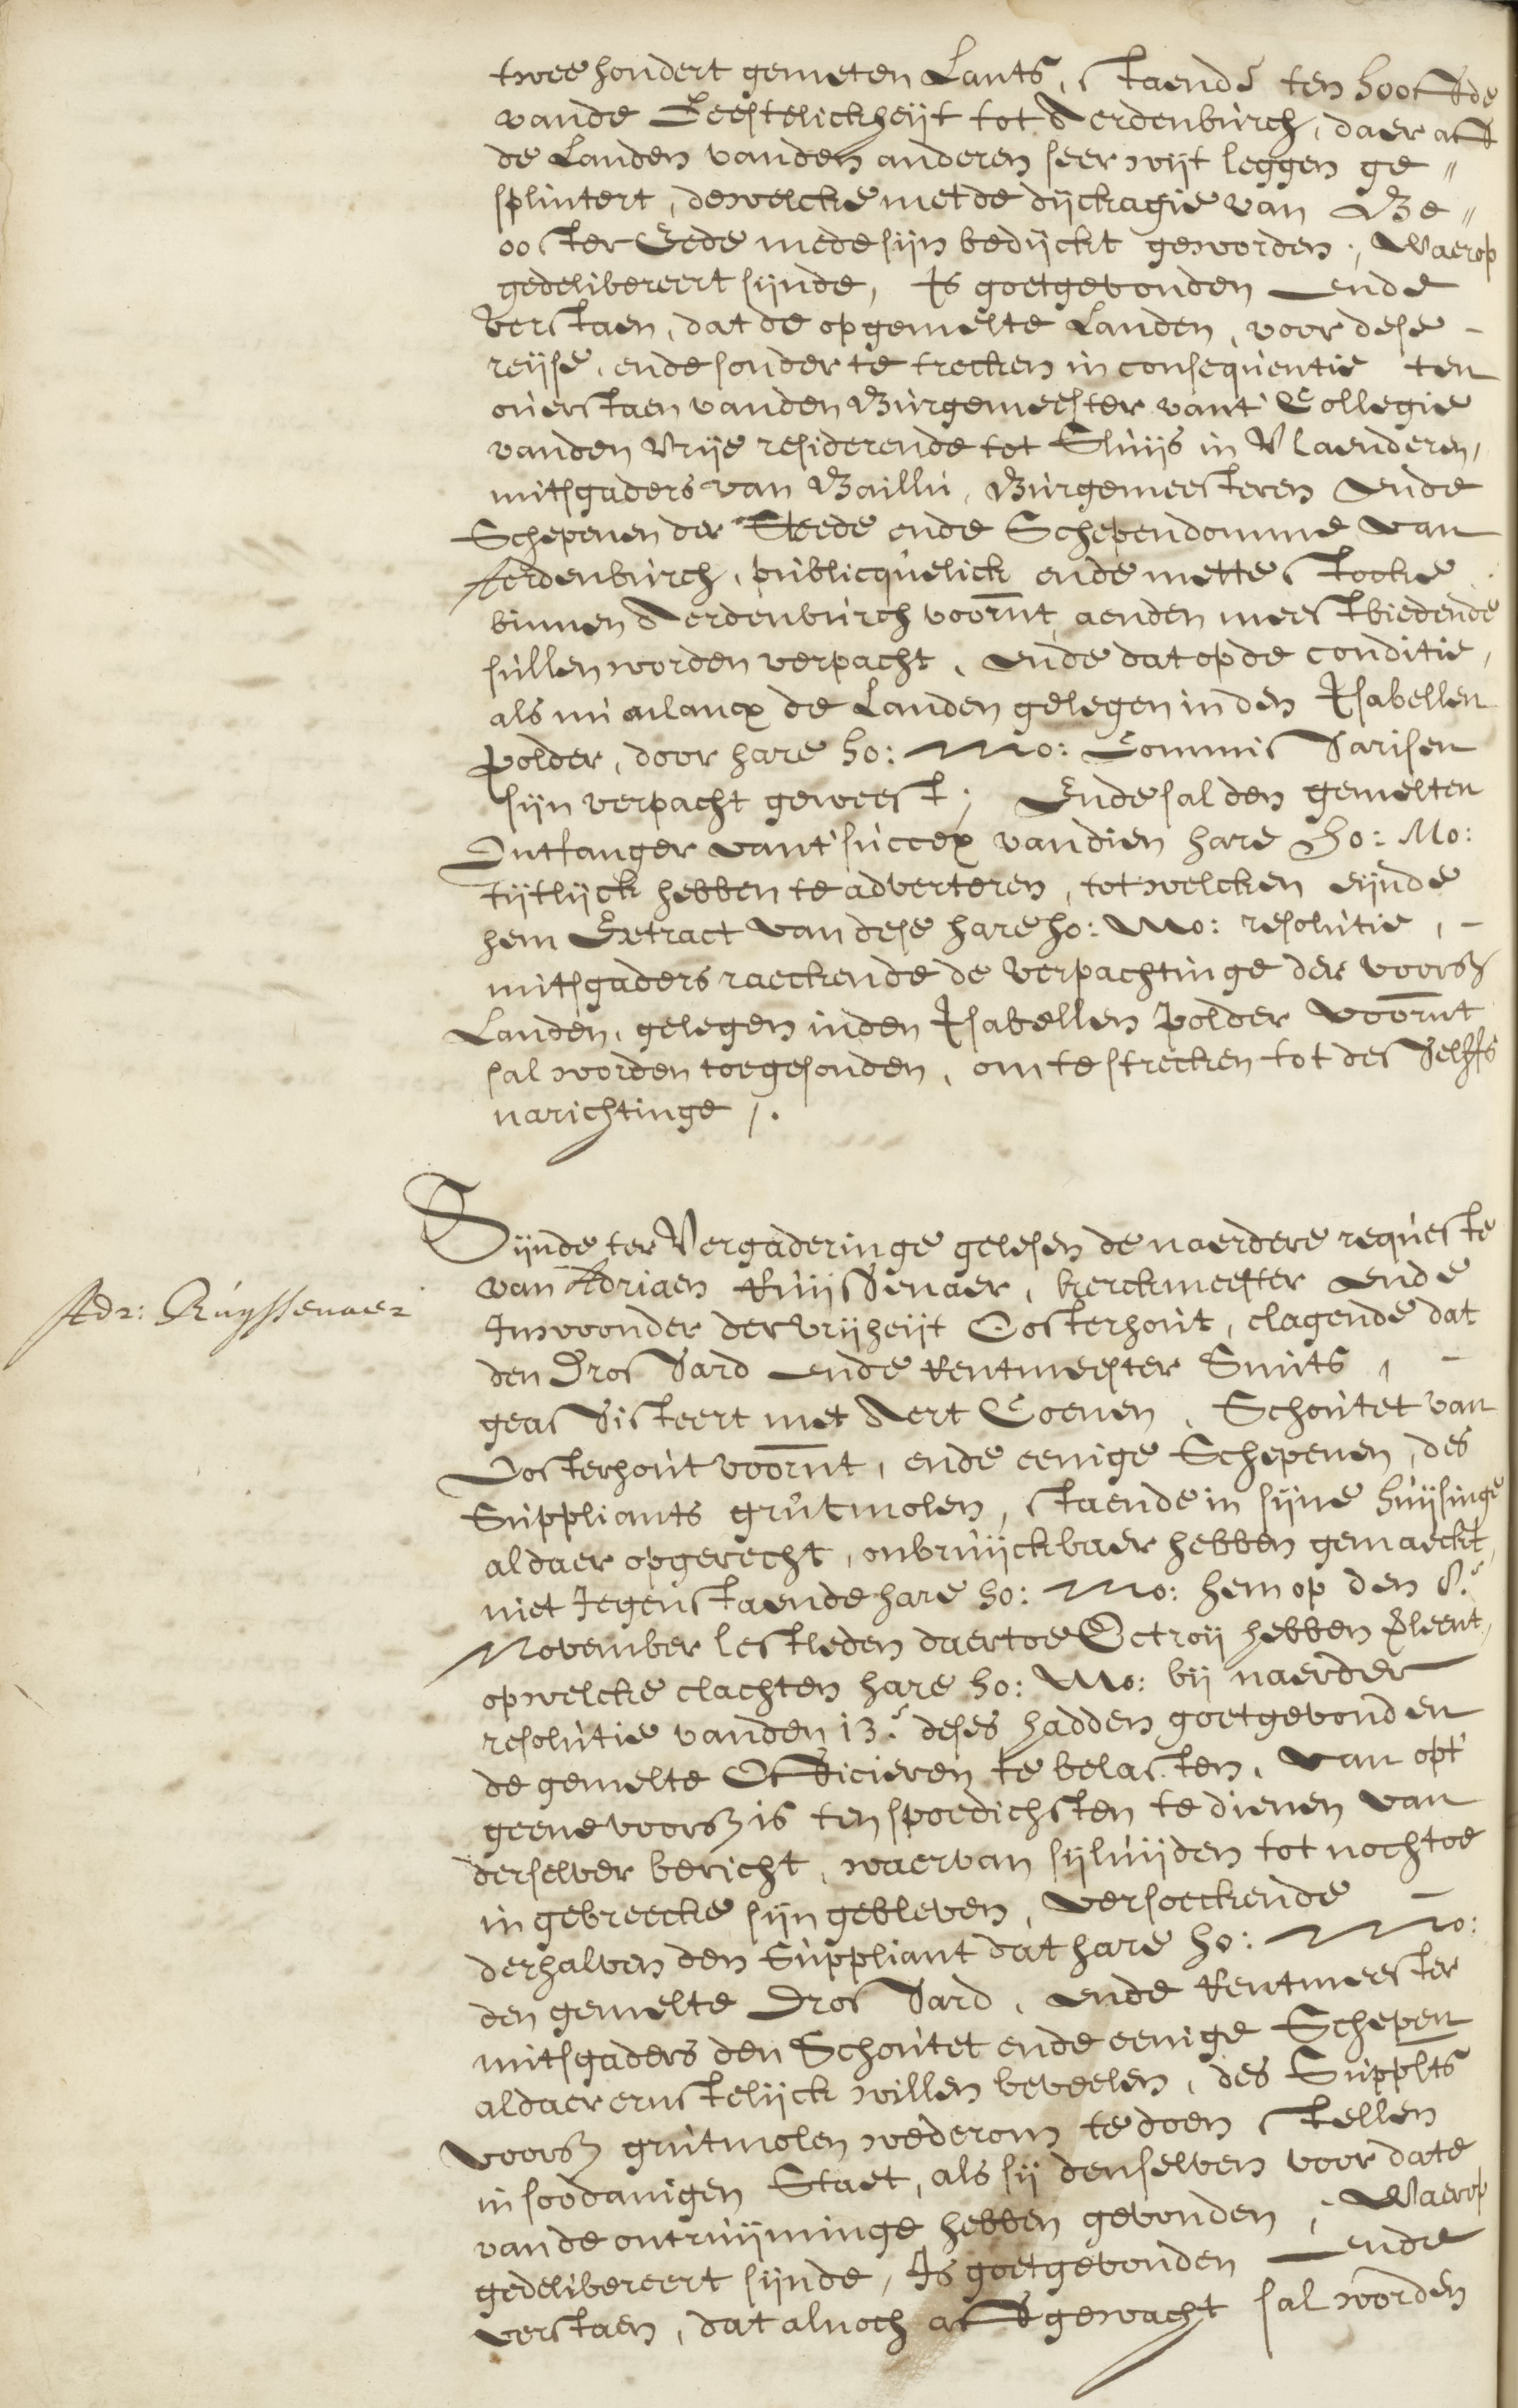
twee hondert gemeten Lants, staende ten hooffde
vande Geestelickheijt tot Aerdenburch, daer aff
de Landen vanden anderen seer wijt leggen ge,,
splintert, dewelcke met de dijckagie van Be,,
oosterEede mede sijn bedijckt geworden; Waerop
gedelibereert sijnde, Is goetgevonden ende
verstaen, dat de opgemelte Landen, voor dese -
reijse, ende sonder te trecken in consequentie ten
ouerstaen vanden Burgemeester vant' Collegie
vanden Vrije residerende tot Sluijs in Vlaenderen,
mitsgaders van Baillu, Burgemeesteren ende
Schepenen der Steede ende Schependomme van
Aerdenburch, publicquelick ende mette stooke
binnen Aerdenburch voornt aenden meestbiedende
sullen worden verpacht, ende dat op de conditie,
als nu onlancx de Landen gelegen in den Isabellen
polder, door hare ho:Mo Commissarisen
sijn verpacht geweest; Ende sal den gemelten
Ontfanger vant' succex vandien hare Ho:Mo:
tijtlijck hebben te adverteren, tot welcken eijnde
hem Extract van dese hare ho:Mo: resolutie , -
mitsgaders raeckende de verpachtinge der voorz
Landen, gelegen inden Isabellen Polder voornt
sal worden toegesonden, om te strecken tot derselffs
narichtinge.
Adr: Ruyssenaer
Sijnde ter Vergaderinge gelesen de naerdere requeste
van Adriaen Ruijssenaer, kerckmeester ende
Inwoonder der vrijheijt Oosterhout, clagende dat
den Drossard ende Rentmeester Smits , -
geassisteert met Aert Coenen, Schoutet van
Oosterhout voornt, ende eenige Schepenen, des
Suppliants grutmolen, staende in sijne huijsinge
aldaer opgerecht, onbruijckbaer hebben gemaeckt,
niet Jegenstaende hare ho:Mo: hem op den 8e.
November lestleden daertoe Octroij hebben vleent,
op welcke clachten hare ho:Mo: bij naerder
resolutie vanden 13e. deses hadden goetgevonden
de gemelte Officieren te belasten, van opt'
geene voorsz is ten spoedichsten te dienen van
derselver bericht, waervan sijluijden tot noch toe
in gebreecke sijn gebleven, versoeckende —
derhalven den Suppliant dat hare ho:Mo:
den gemelte Drossard, ende Rentmeester
mitsgaders den Schoutet ende eenige Schepen
aldaer ernstelijck willen beveelen, des Supplts
voorsz grutmolen wederom te doen stellen
in soodanigen Staet, als sij denselven voor date
van de ontruijminge hebben gevonden; Waerop
gedelibereert sijnde, Is goetgevonden ende
verstaen, dat alnoch affgewacht sal worden
